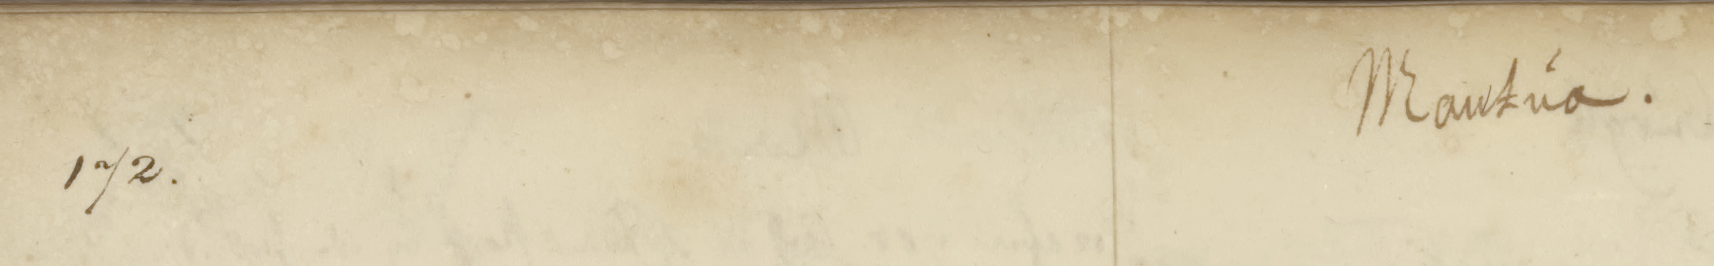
172.
Mantua
